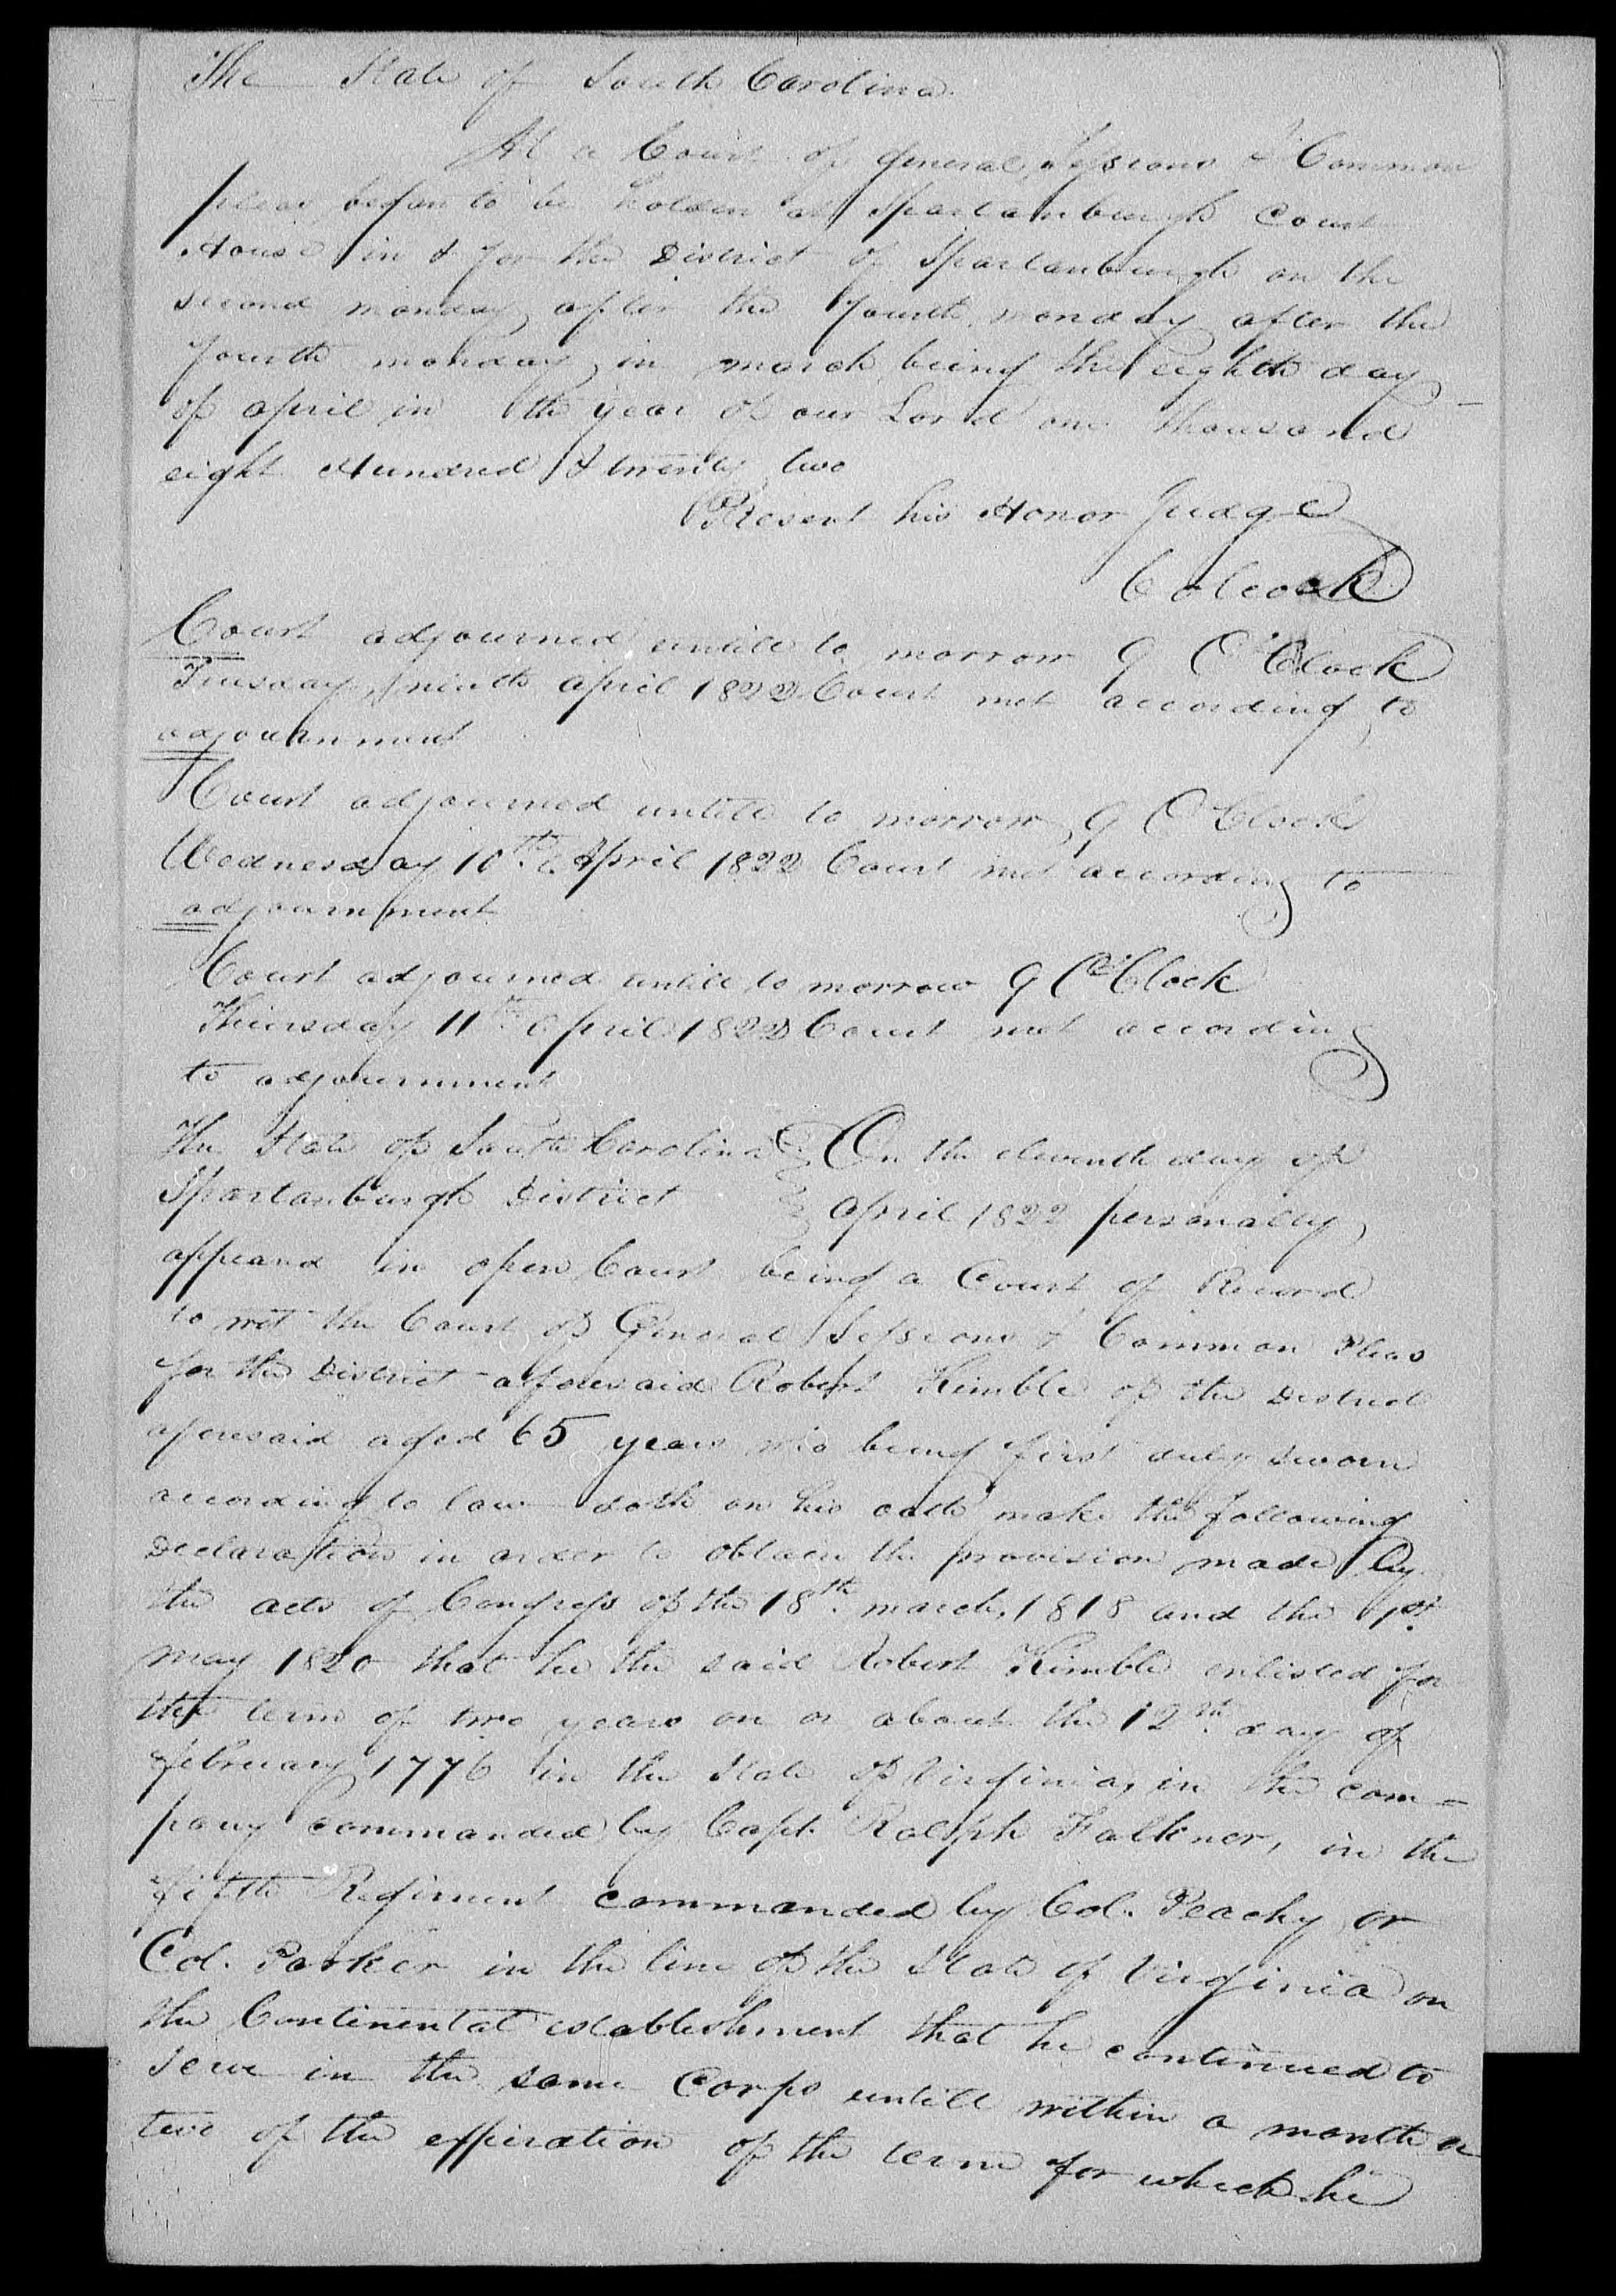The State of South Carolina
At a Court of general Sessions & Common
pleas begun to be holden at Spartanburgh Court
House in & for the District of Sparantburgh on the Second Monday after the fourth monday after the fourth monday, in March being the eighth day of April in the year of our Lord one thousand eight Hundred & twenty two
Present his Honor Judge
Colcock
Court adjourned untill to morrow 9 O'Clock
Tuesday, ninth April 1822. Court met according to adjournment
=
Court adjourned untill to morrow, 9 O'clock
Wednesday 10th April 1822 Court met according to adjournment
=
Court adjourned until tomorrow 9 O'Clock
Thursday 11th April 1822 Court met according to adjournment
The State of South Carolina} On the eleventh day of
Spartanburgh District} April 1822 personally
appeared in open Court being a Court of Record to wit the Court aforesaid Robert Kimble of the District aforesaid aged 65 years who being first duly sworn according to law doth on his oath make the following Declaration in order to obtain the provision made by the Acts of Congress of the 18th March 1818 and the 1st May 1820 that he the said Robert Kimble enlisted for the term of two years on or about the 12th day of February 1776 in the State of Virginia, in the company commanded by Capt. Ralph Falkner, in the fifth Regiment commanded by Col. Peachy or Col. Parker in the line of the State of Virginia on the Continental establishment that he continued to serve in the same Corps until within a month or two of the expiration of the term for which he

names: [BLANK] Colcock; [BLANK] Peachy; Robert Kimble; Ralph Falkner; [BLANK] Parker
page: 6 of 9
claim: survivor's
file: S. 38896, for Robert Kimble, Virginia